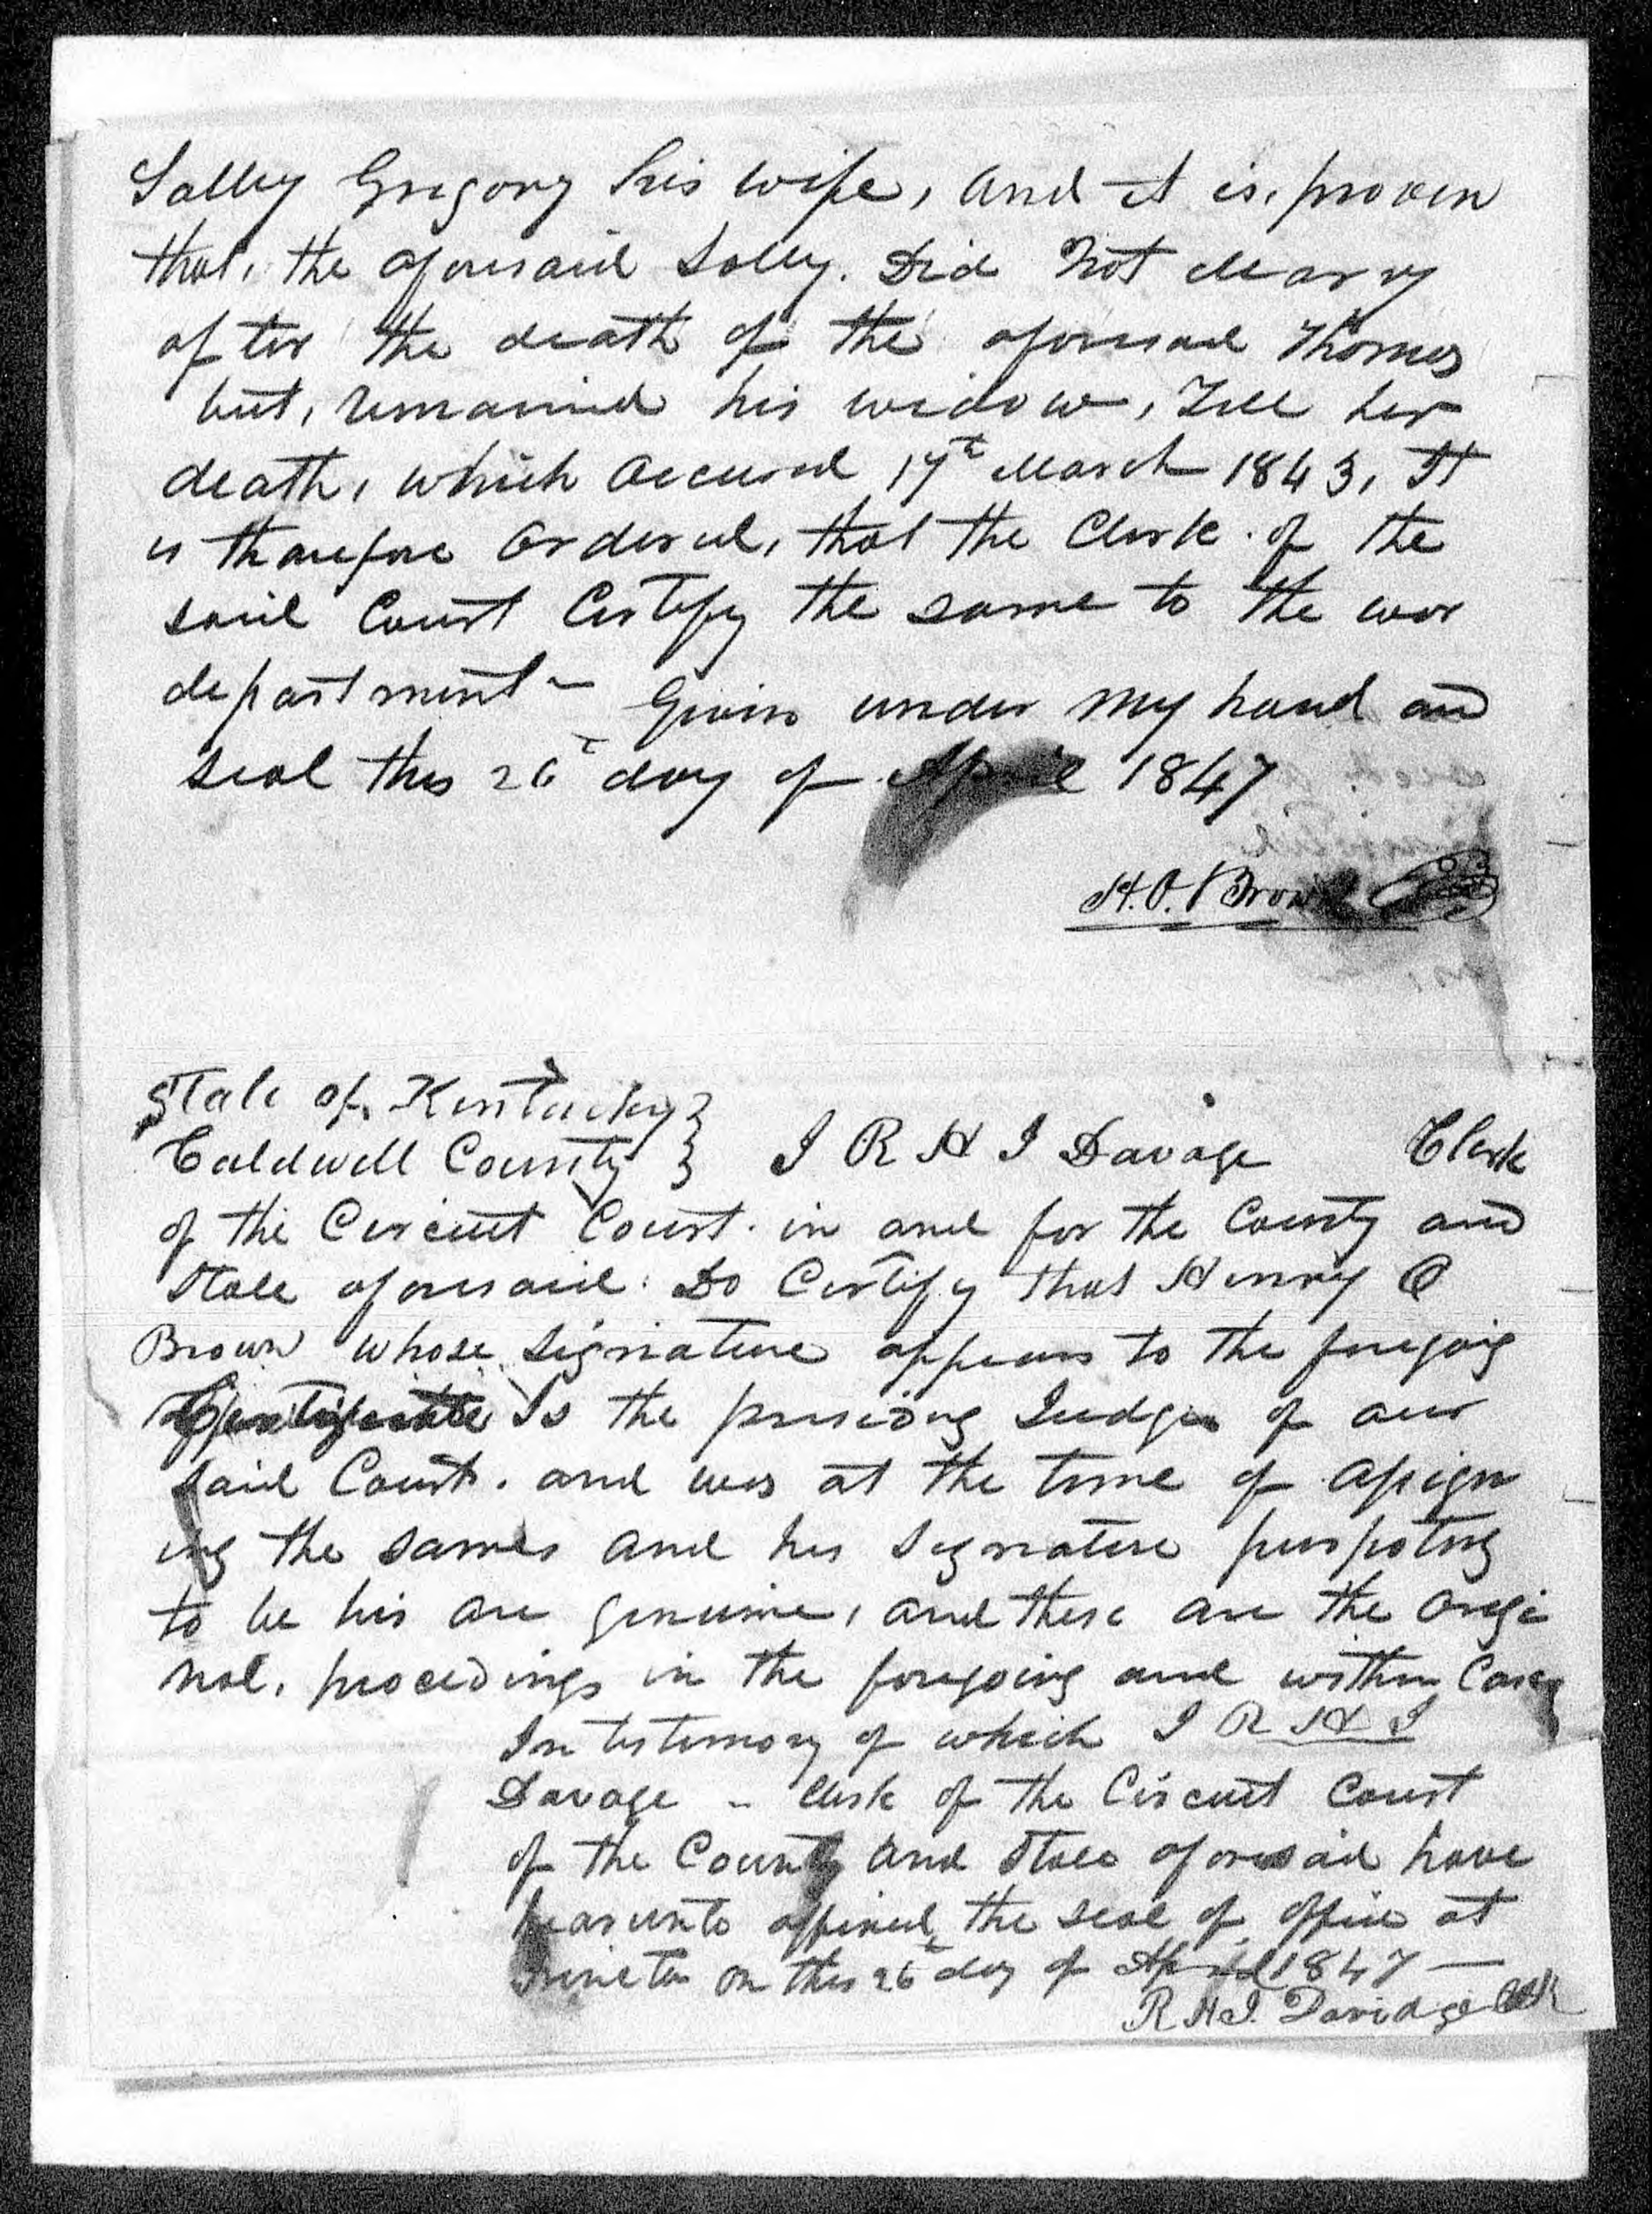Sally Gregory his wife, and it is proven that, the aforesaid Sally Did not marry after the death of the aforesaid Thomas but, remained his widow, Till her death, which occurred 17th March 1843, It is therefore ordered, that the Clerk of the said Court Certify the same to the war department--
Given under my hand and seal this 26th day of April 1847
H. O. Brown {seal}

State of Kentucky}
Caldwell County  }
I R H J Davage Clerk of the Circuit Court in and for the County and State aforesaid, Do Certify that Henry O Brown whose signature appears to the foregoing certificate is the presiding Judge of our said Court, and was at the time of assigning the same and his signature purporting to be his are genuine, and these are the original procedings [sic] in the foregoing and within Cases.
In testimony of which I R H J Savage--Clerk of the Circuit Court of the County and State aforesaid have hearunto [sic] affixed the seal of office at Princeton on this 26th day of April 1847
R. H J. Davidge Clk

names: R H J Davidge, Thomas, Sally, H O Brown, Henry O Brown, R H J Davage, Sally Gregory, R H J Davage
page: 9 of 75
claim: widow's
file: W. 8876, Thomas Gregory, Continental Va